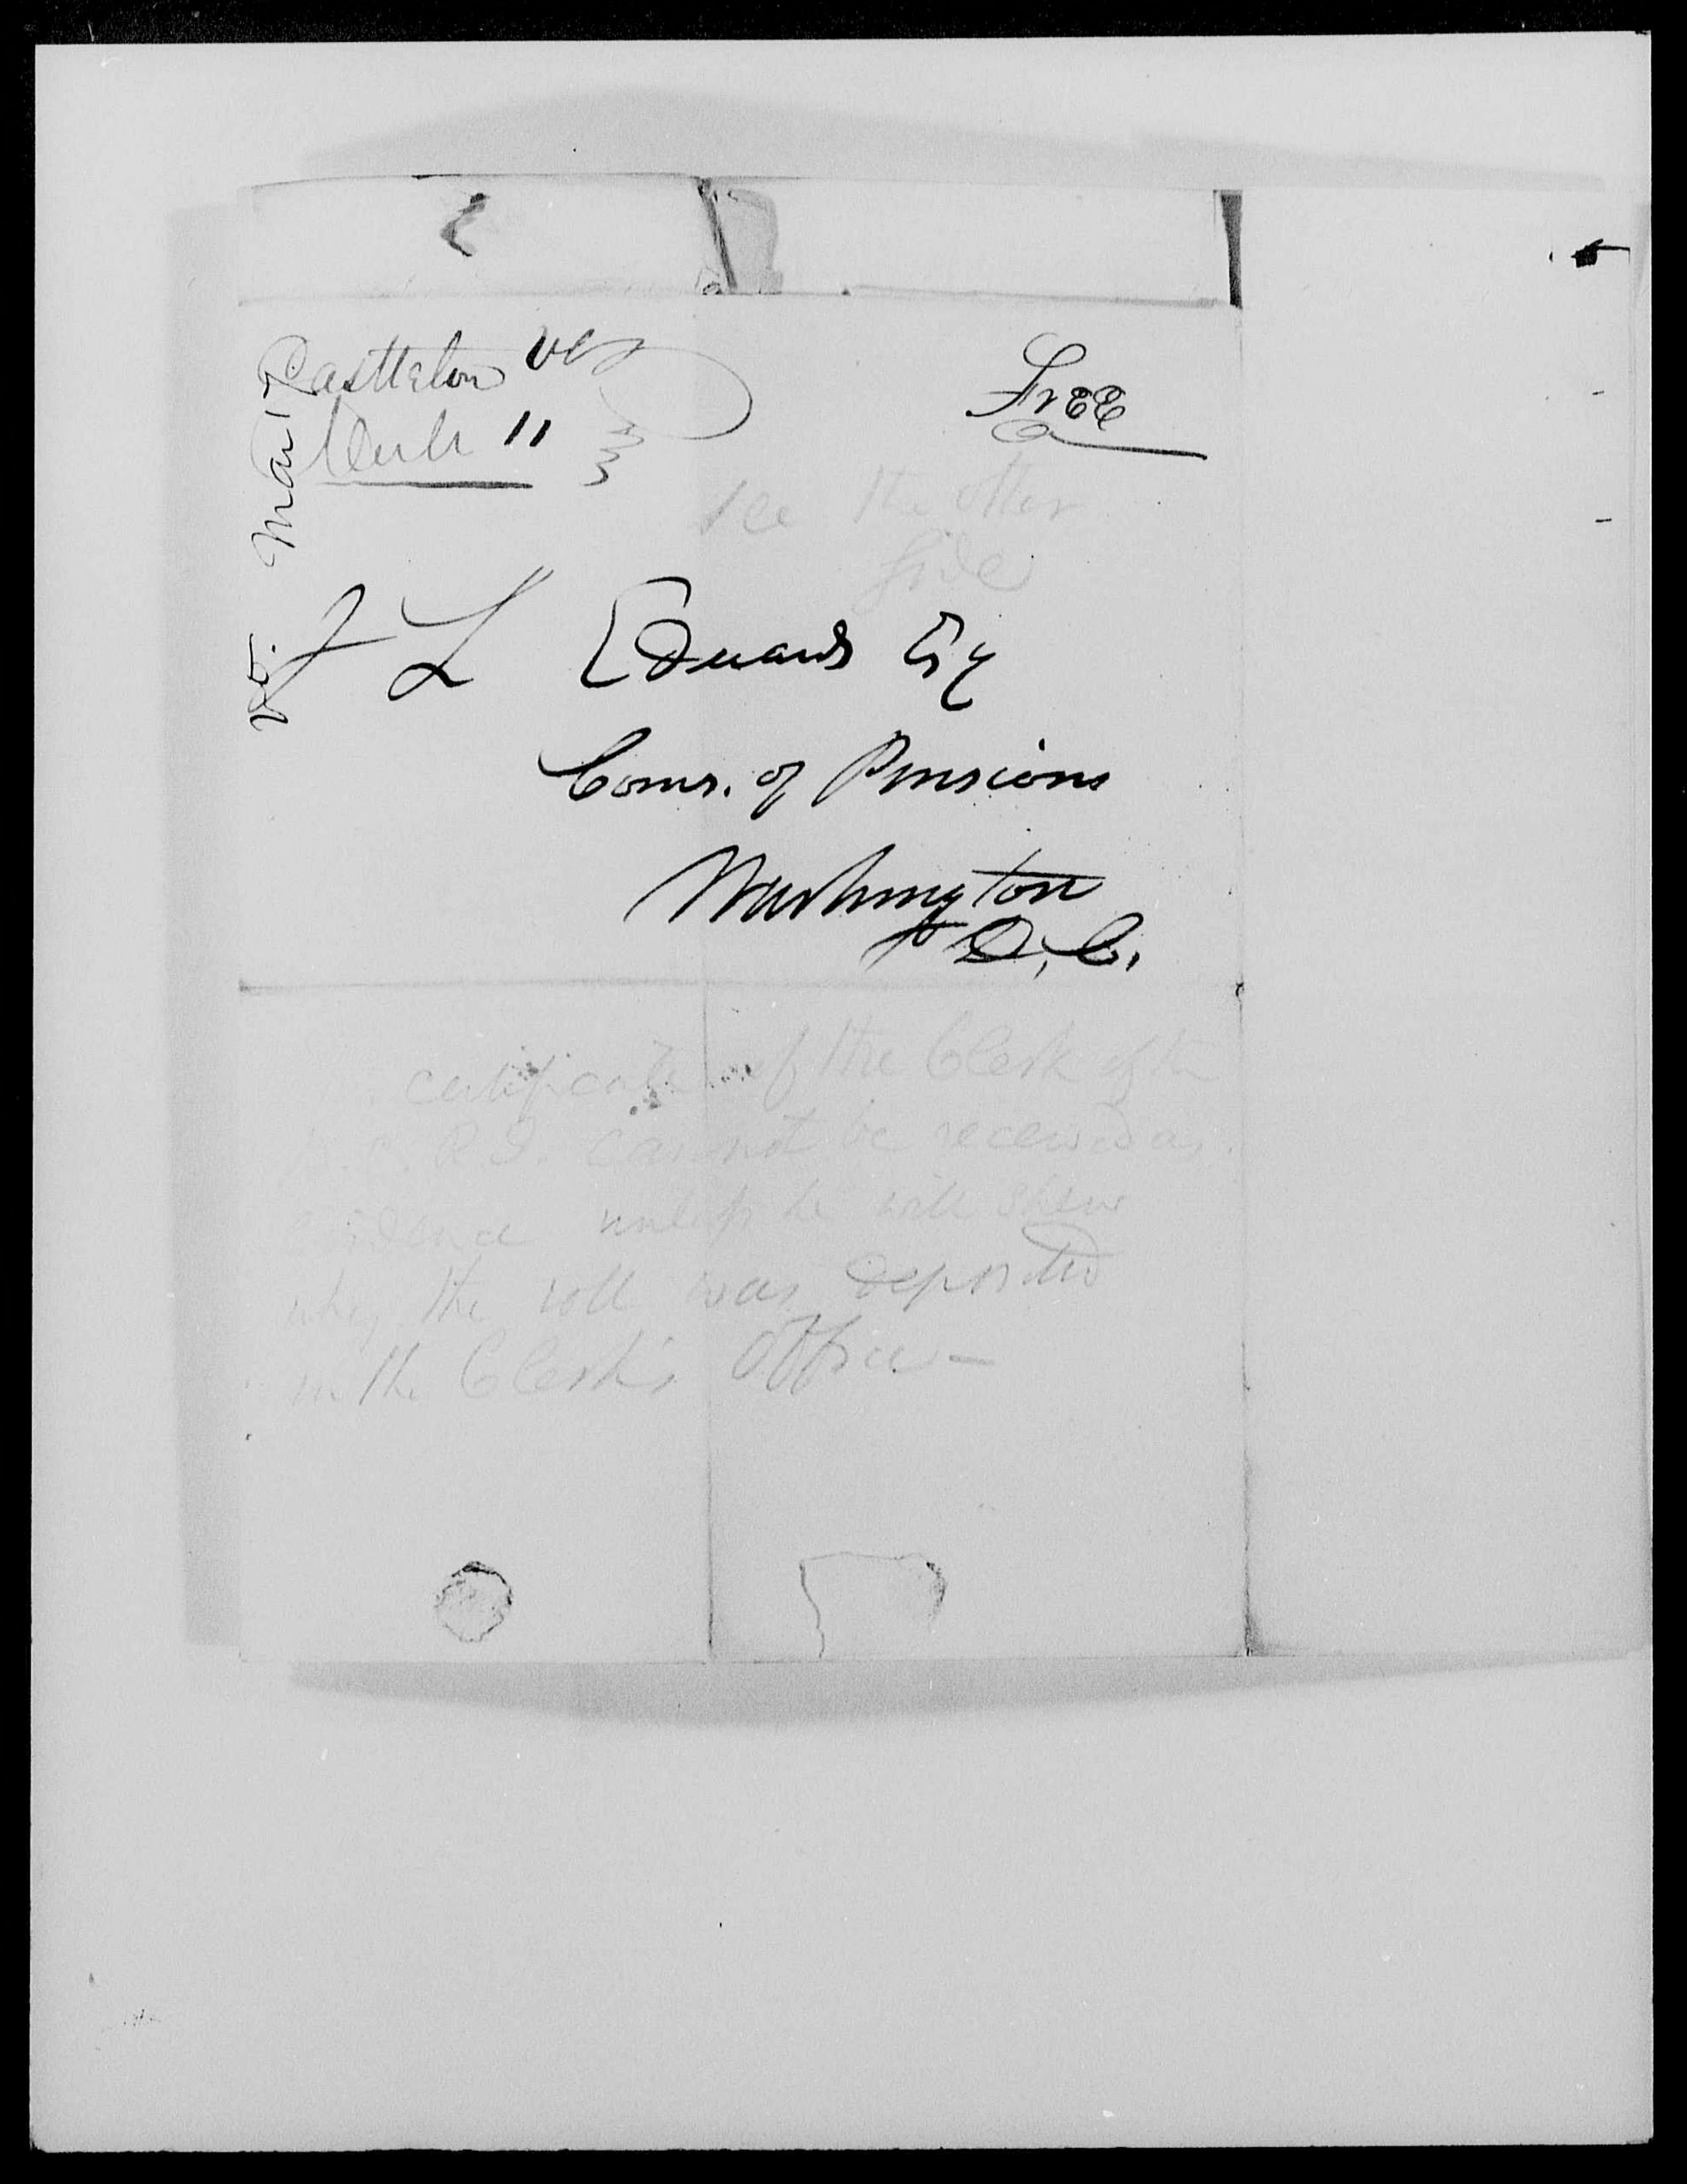Castleton Ver
tenh 11 File
vo. Mar 17
J L Edwards Esq
Comr. of Pensions
Washington D.C.
see other file 
certificate of the Clerk of the D.C. R.I. cannot be received as evidence unless he will show why the roll was deported in the Clerk's office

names: J L Edwards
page: 16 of 17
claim: survivor's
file: S. 21,645, Caleb Blanchard, R. I.